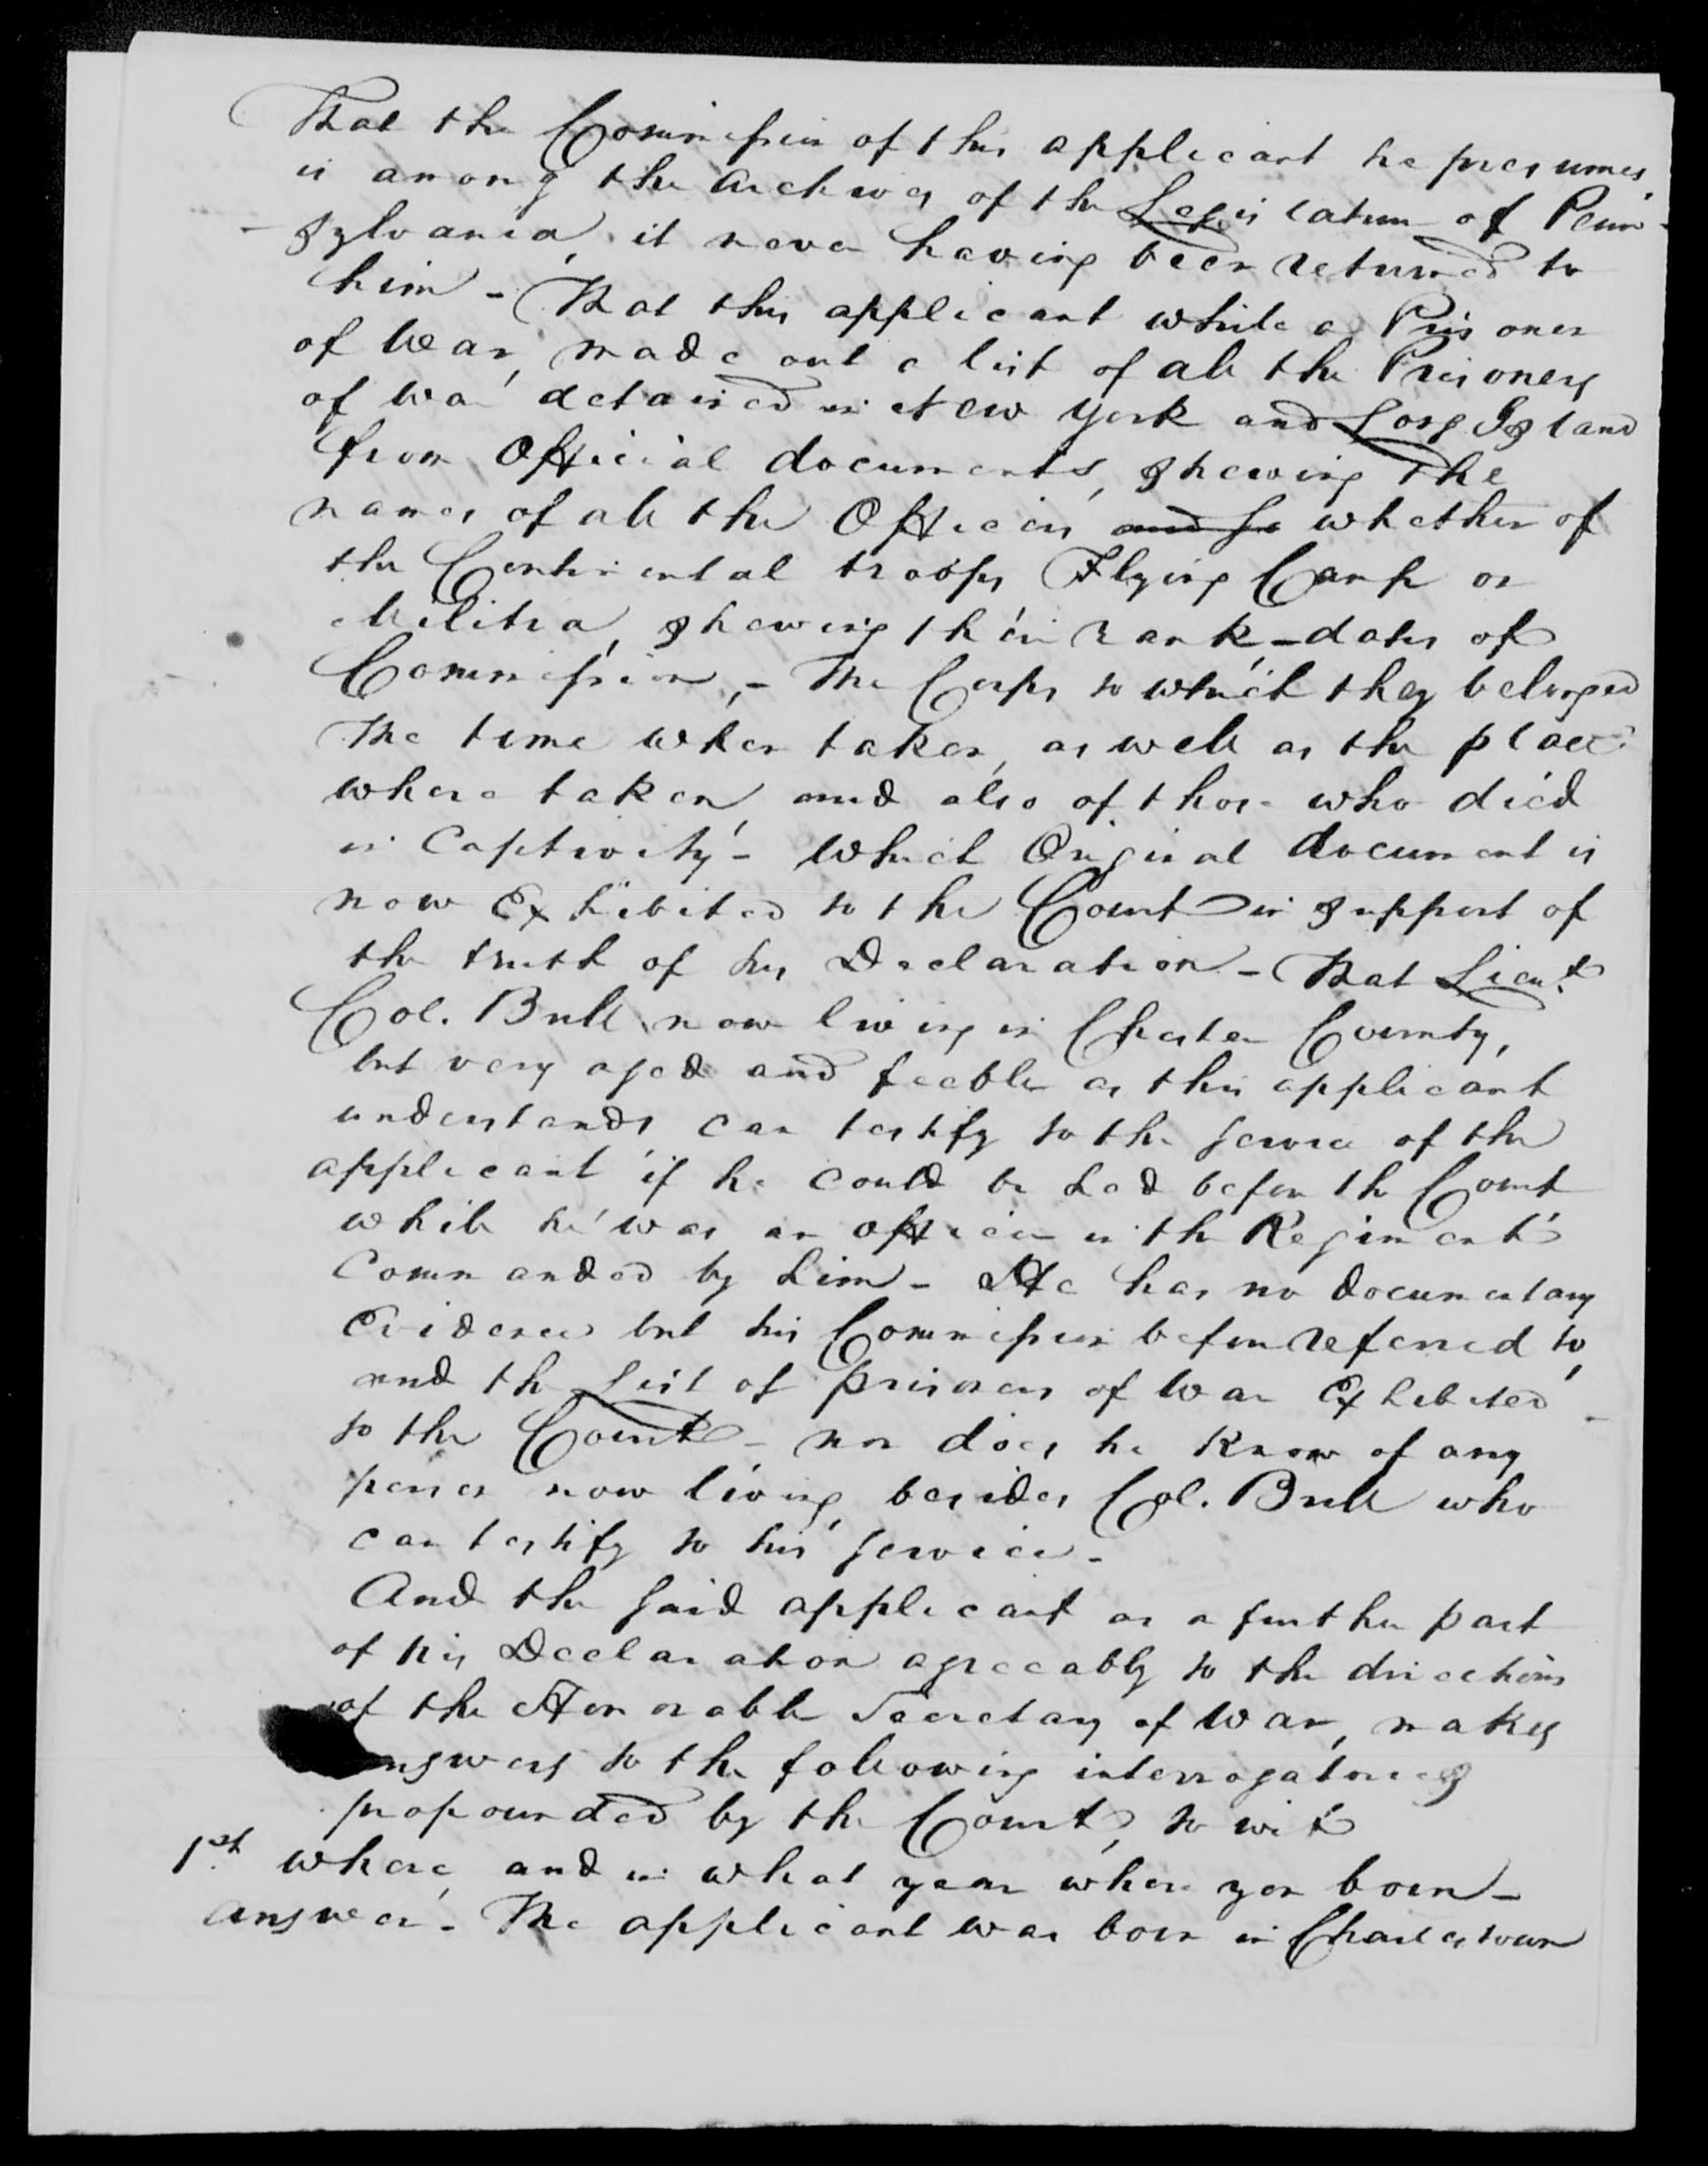that the Commission of this applicant he presumes
is among the archives of the Legislature of Pennsylvania it never having been returned to
him - that this applicant while a Prisoner of war, made out a list of at the Prisoners
of war detained in New York and Long Island
from Official documents, shewing the
names of all the Officers - whether of
the Continental troops Flying Camp or
Militia, showing their rank-dates of
Commission, the Corps to which they belonged
the time when taken, as well as the place
where taken and also of those who died
in Captivity. which Original document is
now exhibited to the Court in support of
the truth of his Declaration. that Lieut Col. Bull now living in Chester County,
but very aged and feeble as this applicant
understands can testify to the service of the
applicant if he could be had before the Court
while he was an officer in the Regiment
commanded by him. He has no documentary
Evidence but his commission before referred to
and the List of prisoners of War Exhibited
to the Court, nor does he know of any
person now living beside Col. Bull who
can testify to his service
And the said applicant as a further part of
his Declaration agreeably to the discretions
of the Honorable Secretary of War, making
Answers to the following interrogatories
propounded by the Court to wit
1st. Where and in what year were you born - 
answer - The applicant was born in Charlestown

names: Bull, Bull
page: 8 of 57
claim: survivor's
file: S. 2161, Hezekiah Davies, Penn